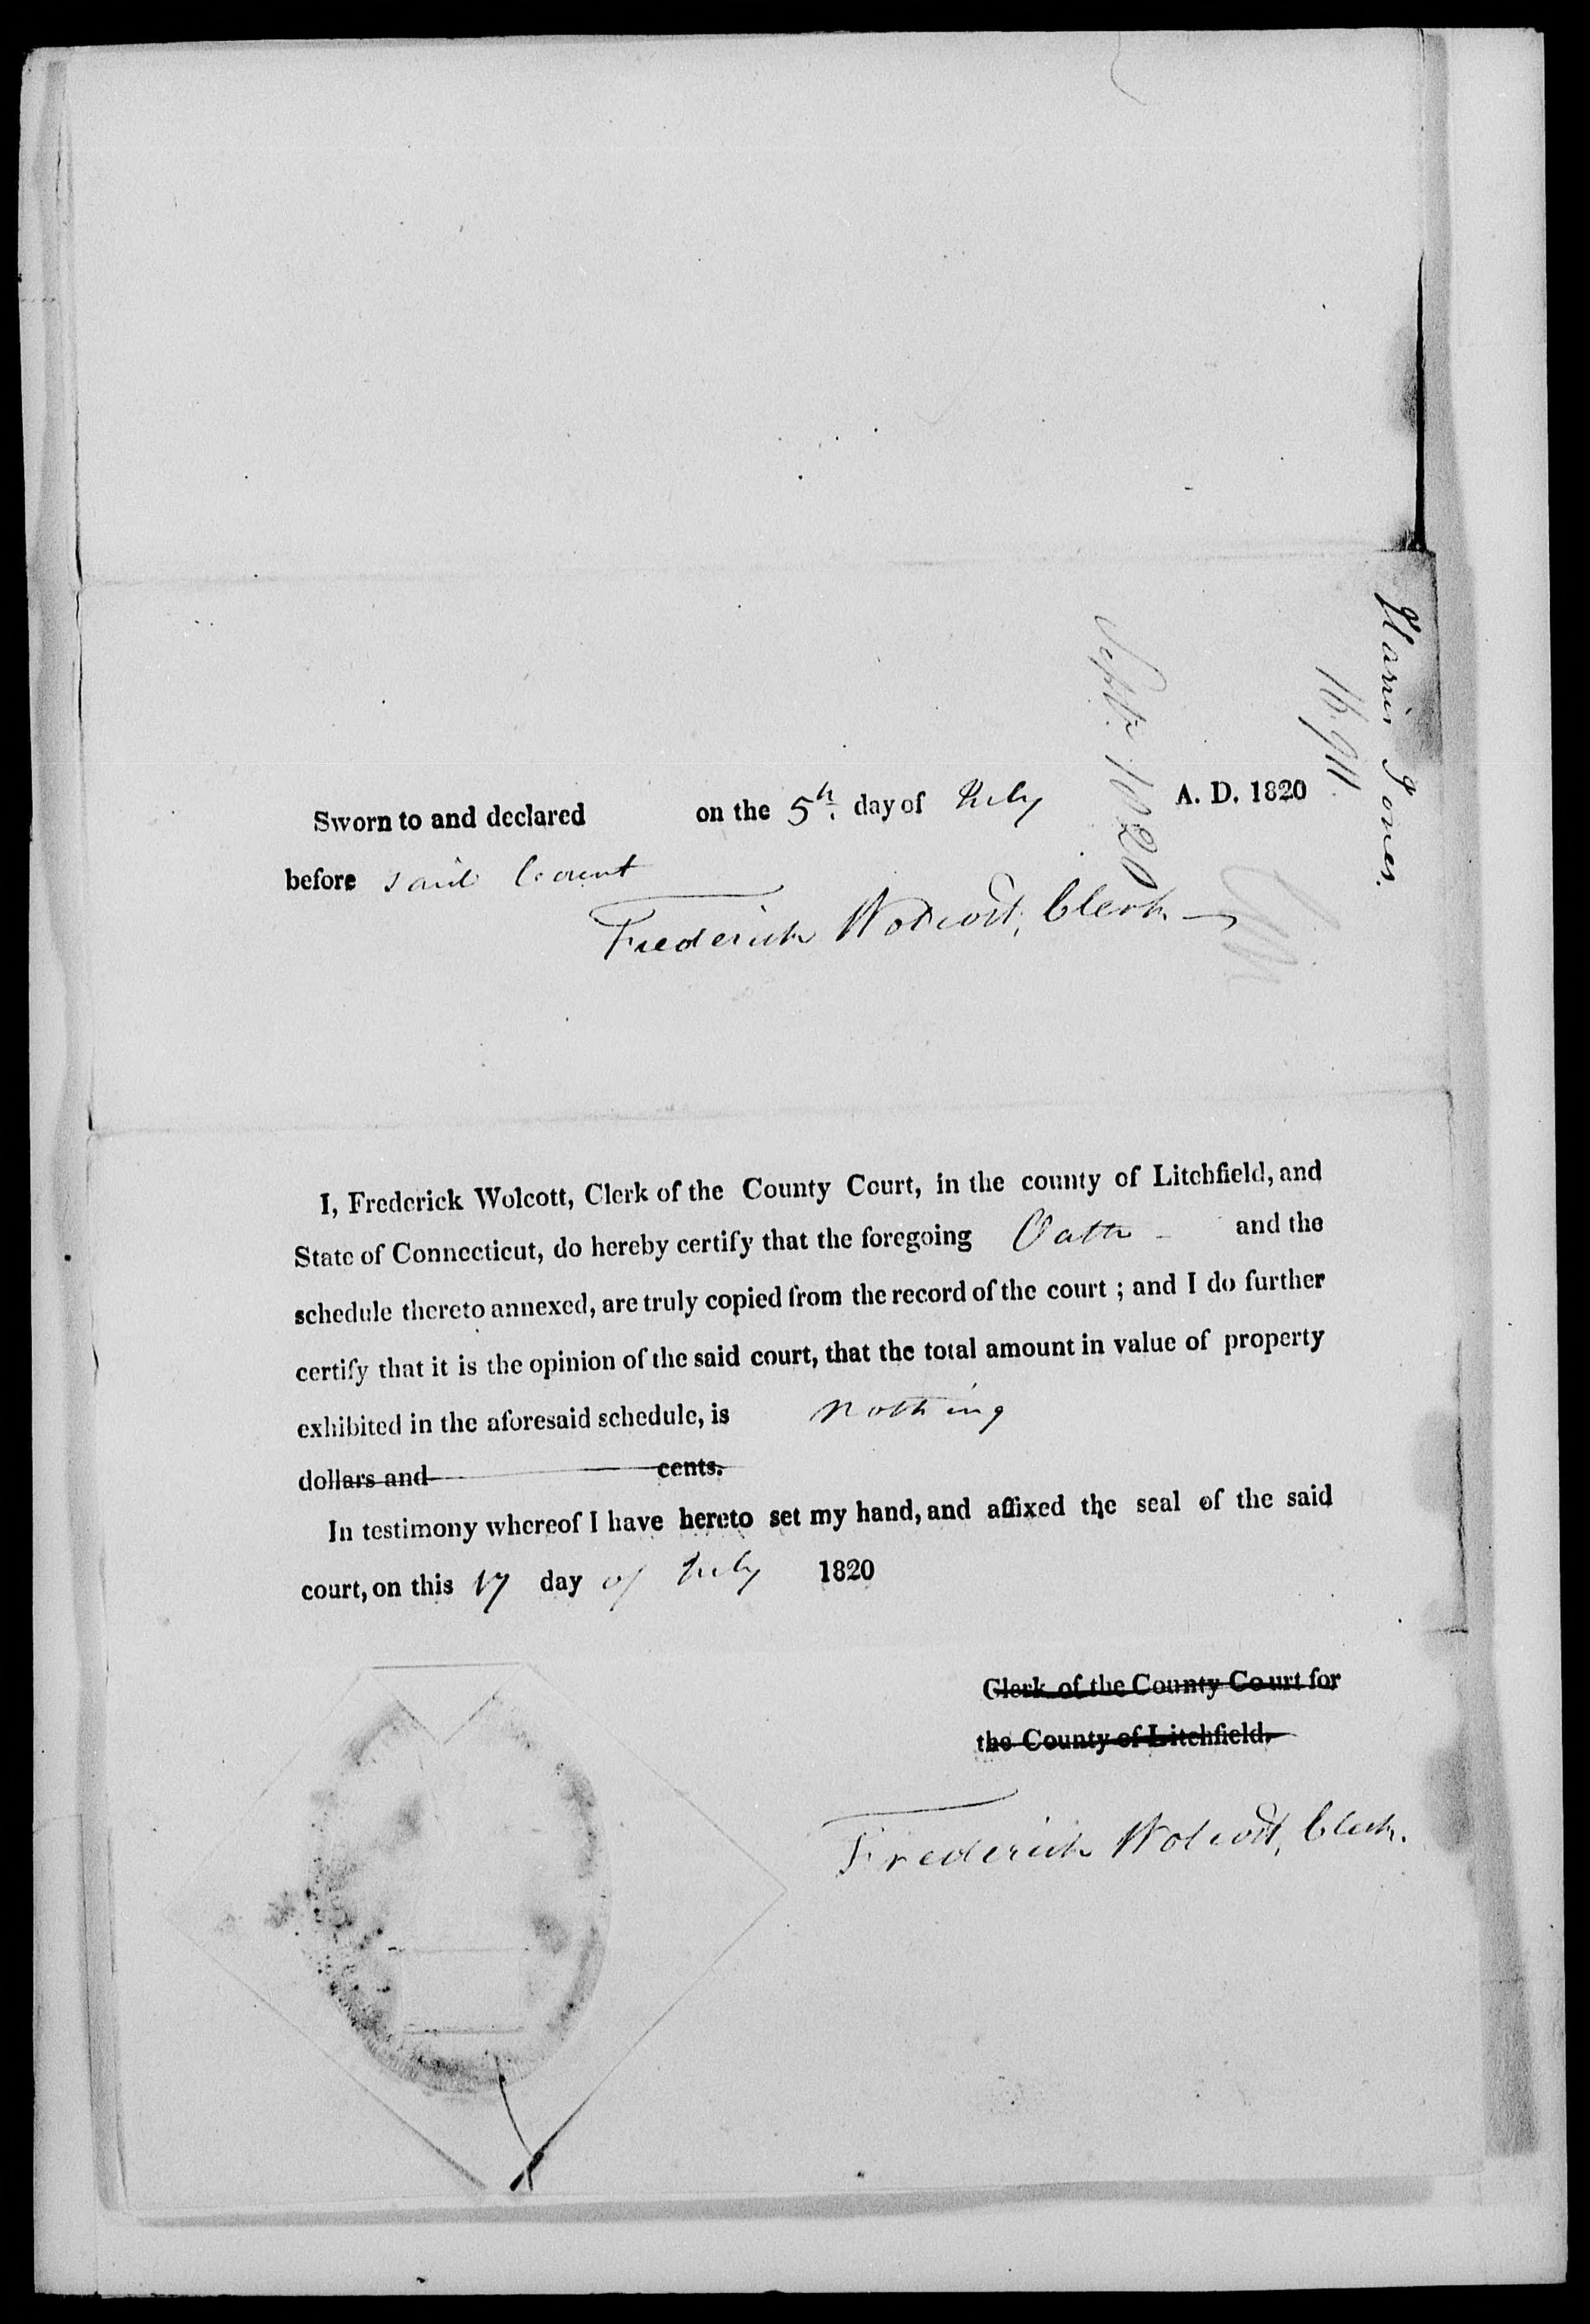Harris Jones
16,911
Sept. 10 '20
--
Sworn to and declared
on the 5th day of July A.D. 1820
before said Court
---
Frederick Wolcott, Clerk

I, Frederick Wolcott, Clerk of the County Court, in the county of Litchfield, and State of Connecticut, do hereby certify that the foregoing Oath and the schedule thereto annexed, are truly copied from the record of the court; and I do further certify that it is the opinion of the said court, that the total amount in value of property exhibited in the aforesaid schedule, is nothing.

In testimony whereof I have hereto set my hand, and affixed the seal of the said
court, on this 17 day of July 1820
Clerk of the County Court for
the County of Litchfield
Frederick Wolcott, Clerk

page: 6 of 11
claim: survivor's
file: S. 36655, for Harris Jones, Connecticut